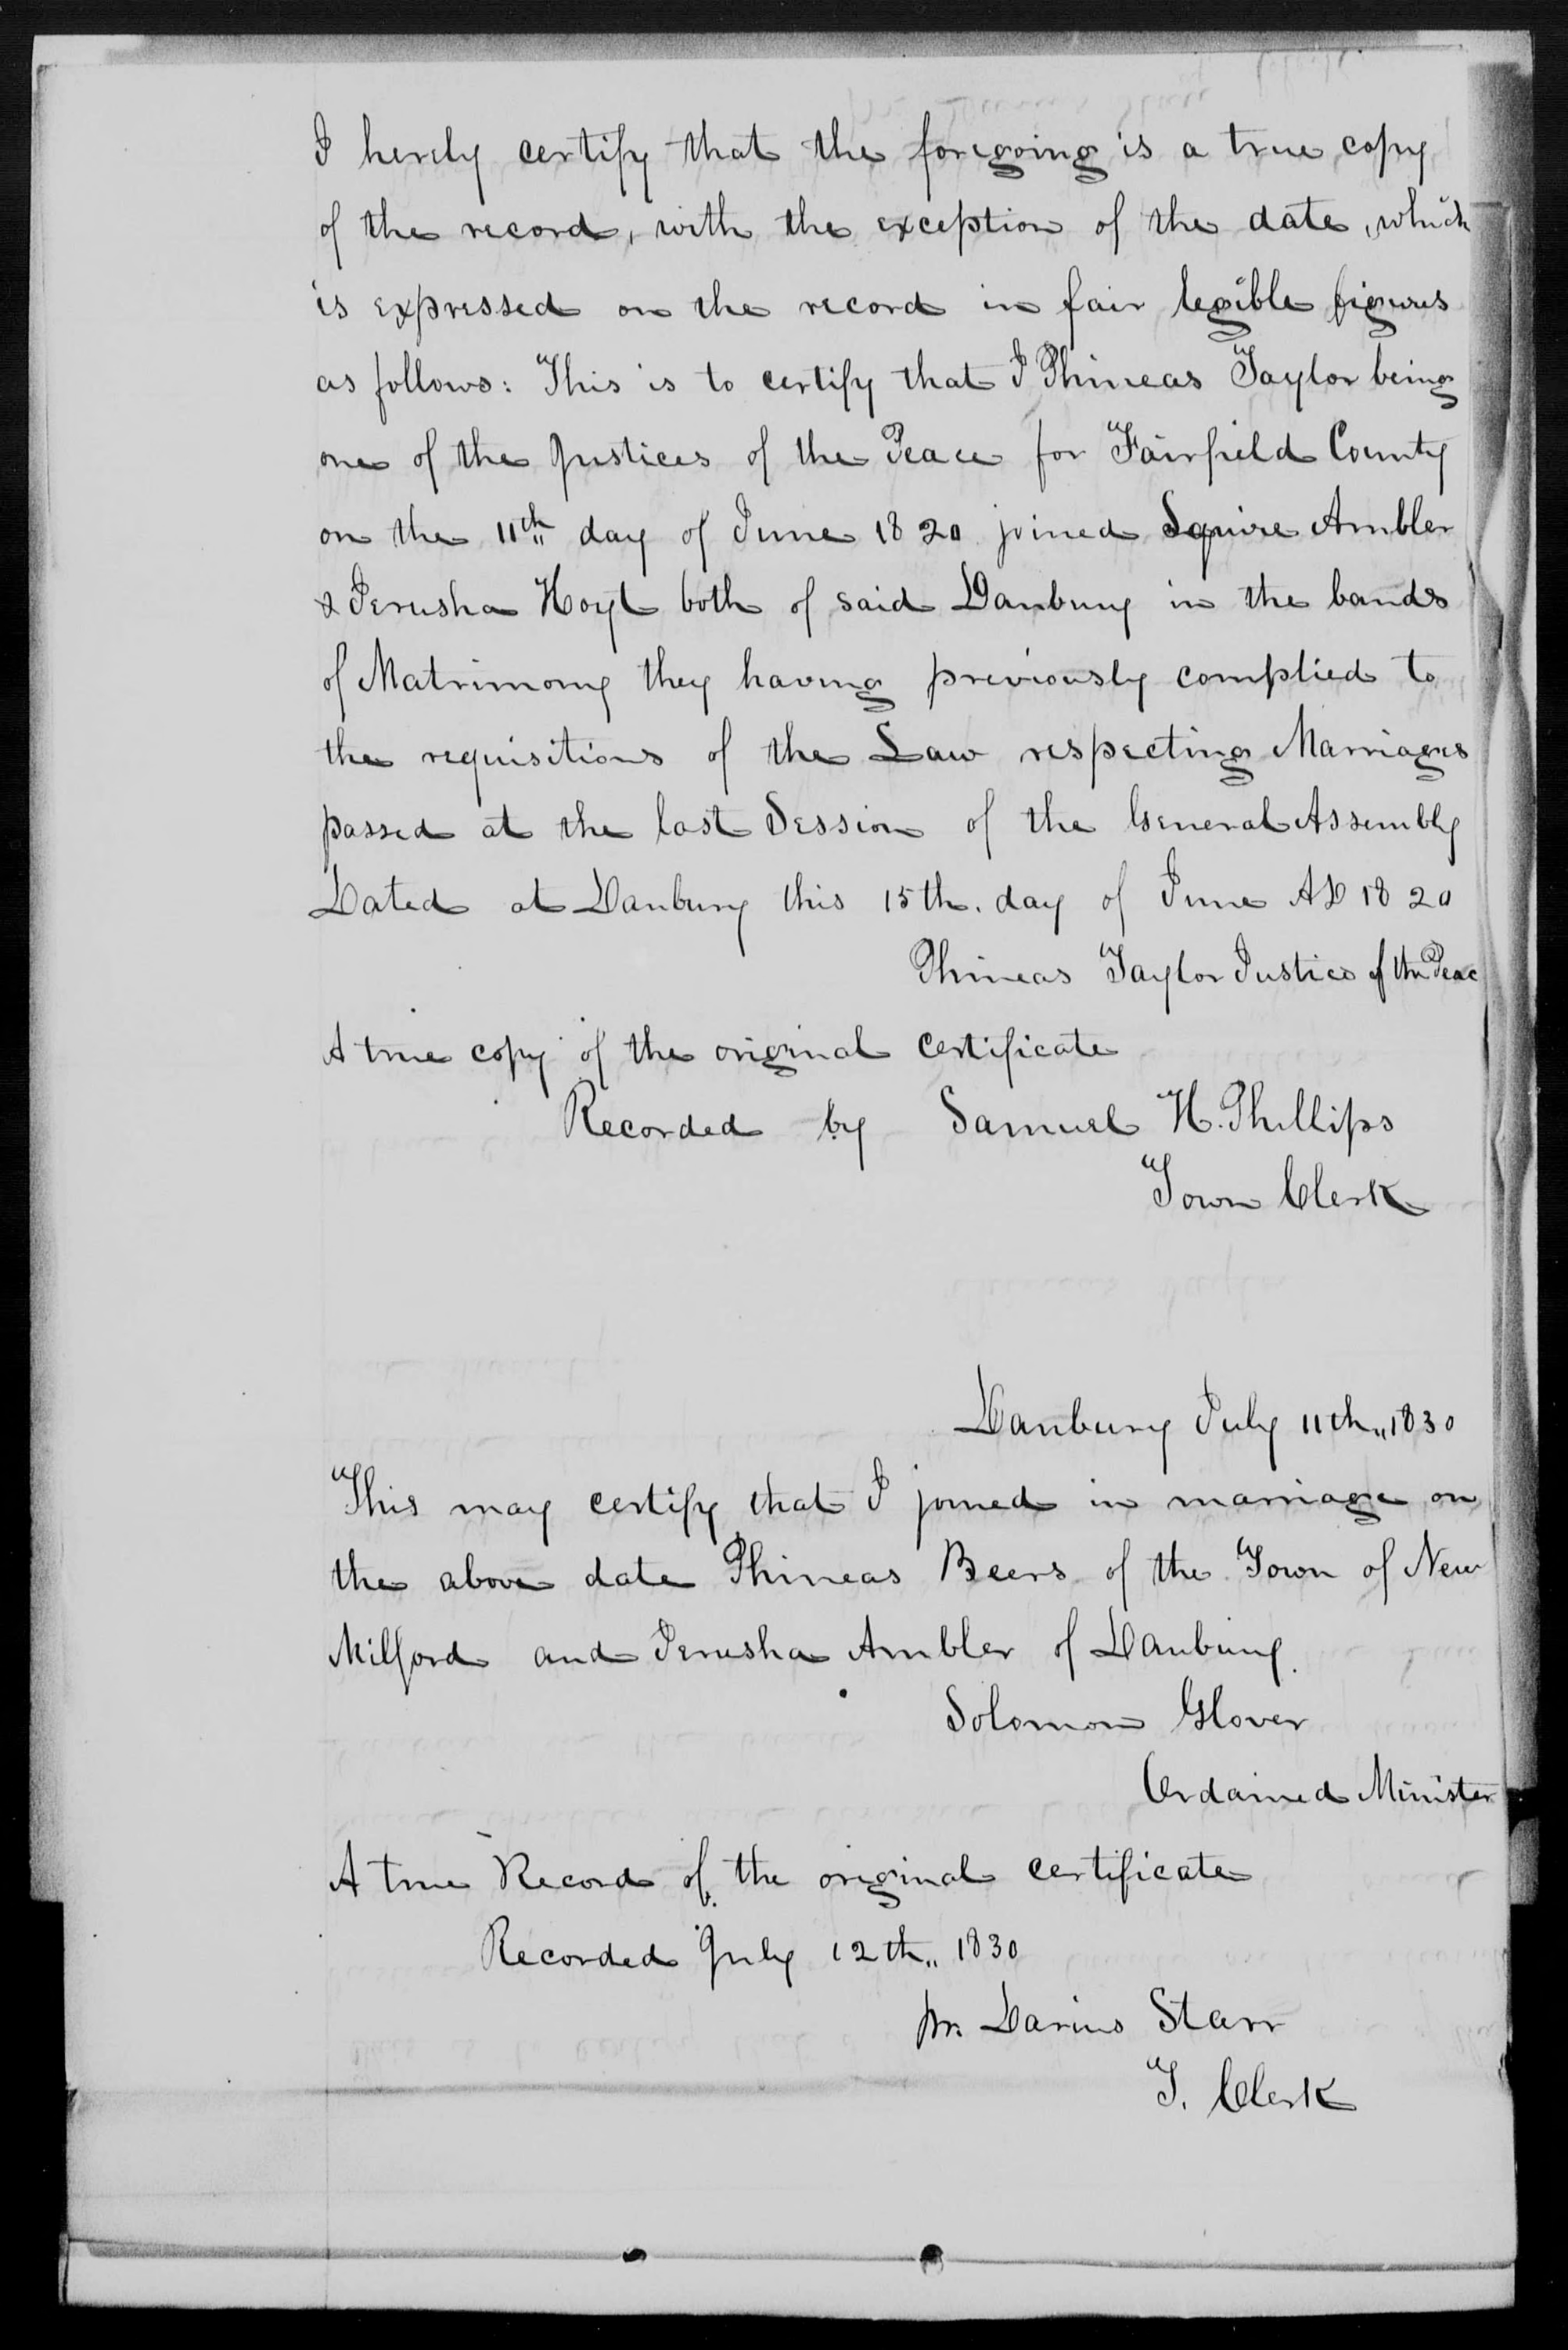I hereby certify that the foregoing is a true copy of the record, with the exception of the date which is expressed on the record in fair legible figures as follows: This is to certify that I Phineas Taylor being one of the Justices of the Peace for Fairfield County on the 11th day of June 1820 joined, Squire Ambler & Jerusha Hoyt both of said Danbury in the hands of Matrimony they having previously complied to the requisitions of the Law respecting Marriages passed at the last Session of the General Assembly Dated at Danbury this 15th day of June AD 1820
Phineas Taylor Justice of the Peace

A true copy of the original certificate 
Recorded by Samuel H. Phillips Town Clerk

Danbury July 11th 1830 
This may certify that I joined in marriage on the above date Phineas Beers of the Town of New Milford and Jerusha Ambler of Danbury
Solomon Glover - Ordained Minister 

A true Record of the original certificate Recorded July 12th, 1830 
Mr. Darius Starr 
T. Clerk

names: Phineas Taylor, Jerusha Ambler, Samuel H Phillips, Jerusha Hoyt, Solomon Glover, Phineas Beers, Phineas Taylor, Davies Starr, Squire Ambler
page: 20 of 39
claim: widow's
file: W. 2,056, Squire Ambler, Continental (Sol. Res. In N.Y. & Conn.)